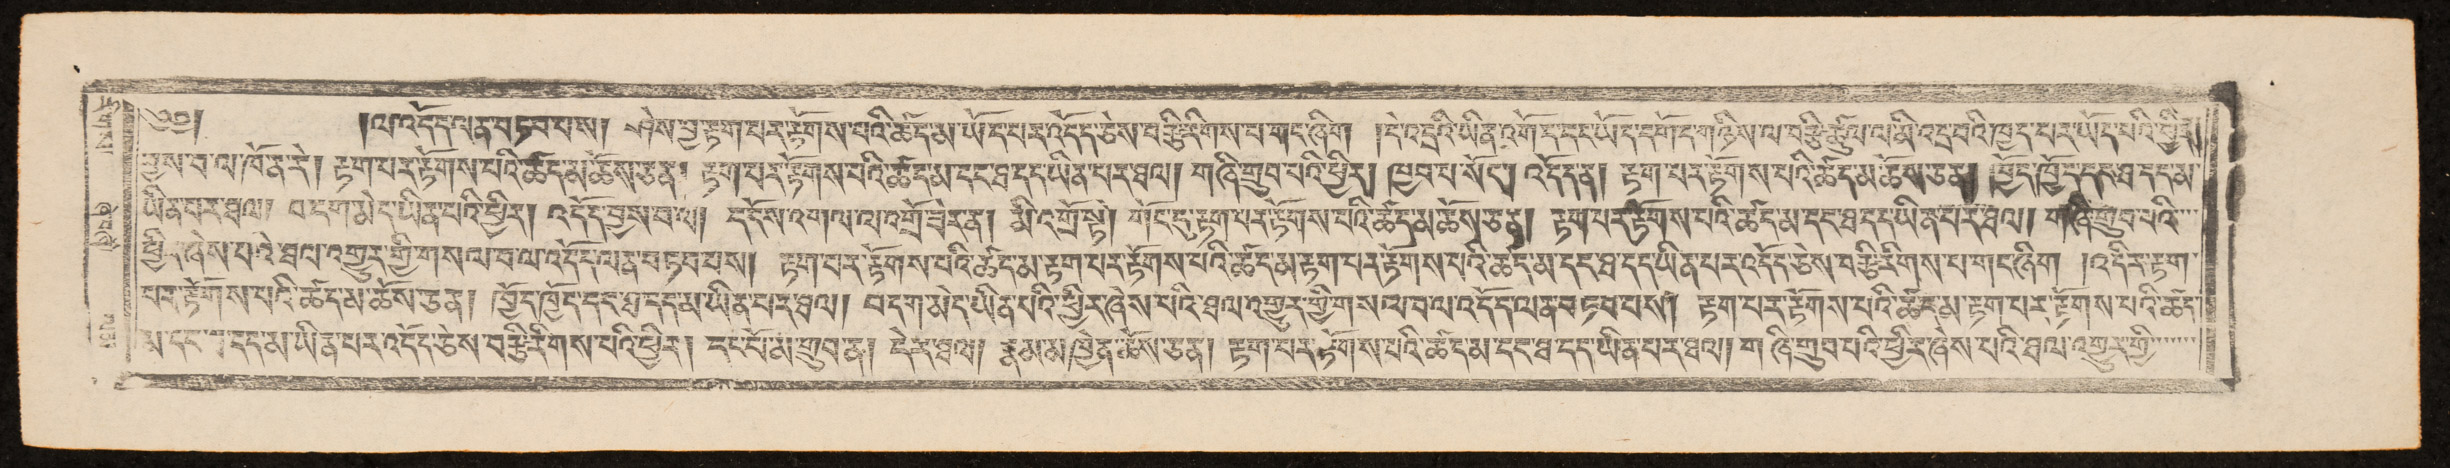༄༅། །ལ་འདོད་ལན་བཏབ་པས། ཤེས་བྱ་རྟག་པར་རྟོགས་པའི་ཚད་མ་ཡོད་པར་འདོད་ཅེས་བརྩི་རིགས་པ་གང་ཞིག། །དེ་འདྲའི་ཡིན་འགོད་དང་ཡོད་དགོད་གཉིས་ལ་བརྩི་ཚུལ་ལ་མི་འདྲ་བའི་ཁྱད་པར་ཡོད་པའི་ཕྱིར།
བྱས་པ་ལ་ཁོ་ན་རེ། རྟག་པར་རྟོགས་པའི་ཚད་མ་ཆོས་ཅན། རྟག་པར་རྟོགས་པའི་ཚད་མ་དང་ཐ་དད་ཡིན་པར་ཐལ། གཞི་གྲུབ་པའི་ཕྱིར། ཁྱབ་པ་སོང་། འདོད་ན། རྟག་པར་རྟོགས་པའི་ཚད་མ་ཆོས་ཅན། ཁྱོད་ཁྱོད་དང་ཐ་དད་མ་
ཡིན་པར་ཐལ། བདག་མེད་ཡིན་པའི་ཕྱིར། འདོད་བྱས་པ་ལ། དངོས་འགལ་ལ་འགྲོ་ཟེར་ན། མི་འགྲོ་སྟེ། གོང་དུ་རྟག་པར་རྟོགས་པའི་ཚད་མ་ཆོས་ཅན། རྟག་པར་རྟོགས་པའི་ཚད་མ་དང་ཐ་དད་ཡིན་པར་ཐལ། གཞི་གྲུབ་པའི་
ཕྱིར་ཞེས་པའི་ཐལ་འགྱུར་གྱི་གསལ་བ་ལ་འདོད་ལན་བཏབ་པས། རྟག་པ་རྟོགས་པའི་ཚད་མ་རྟག་པ་རྟོགས་པའི་ཚད་མ་རྟག་པར་རྟོགས་པའི་ཚད་མ་དང་ཐ་དད་ཡིན་པར་འདོད་ཅེས་པའི་བརྟེ་རིགས་པ་གང་ཞིག །འདིར་རྟག་
པར་རྟོགས་པའི་ཚད་མ་ཆོས་ཅན། ཁྱོད་ཁྱོད་དང་ཐ་དད་མ་ཡིན་པར་ཐལ། བདག་མེད་ཡིན་པའི་ཕྱིར་ཞེས་པའི་ཐལ་འགྱུར་གྱི་གསལ་བ་ལ་འདོད་ལན་བཏབ་པས། རྟག་པར་རྟོགས་པའི་ཚད་མ་རྟག་པར་རྟོགས་པའི་ཚད་
མ་དང་ཐ་དད་མ་ཡིན་པར་འདོད་ཅེས་བརྩི་རིགས་པའི་ཕྱིར། དང་པོ་མ་གྲུབ་ན། དེར་ཐལ། རྣམ་མཁྱེན་ཆོས་ཅན། རྟག་པར་རྟོགས་པའི་ཚད་མ་དང་ཐ་དད་ཡིན་པར་ཐལ། གཞི་གྲུབ་པའི་ཕྱིར་ཞེས་པའི་ཐལ་འགྱུར་གྱི་